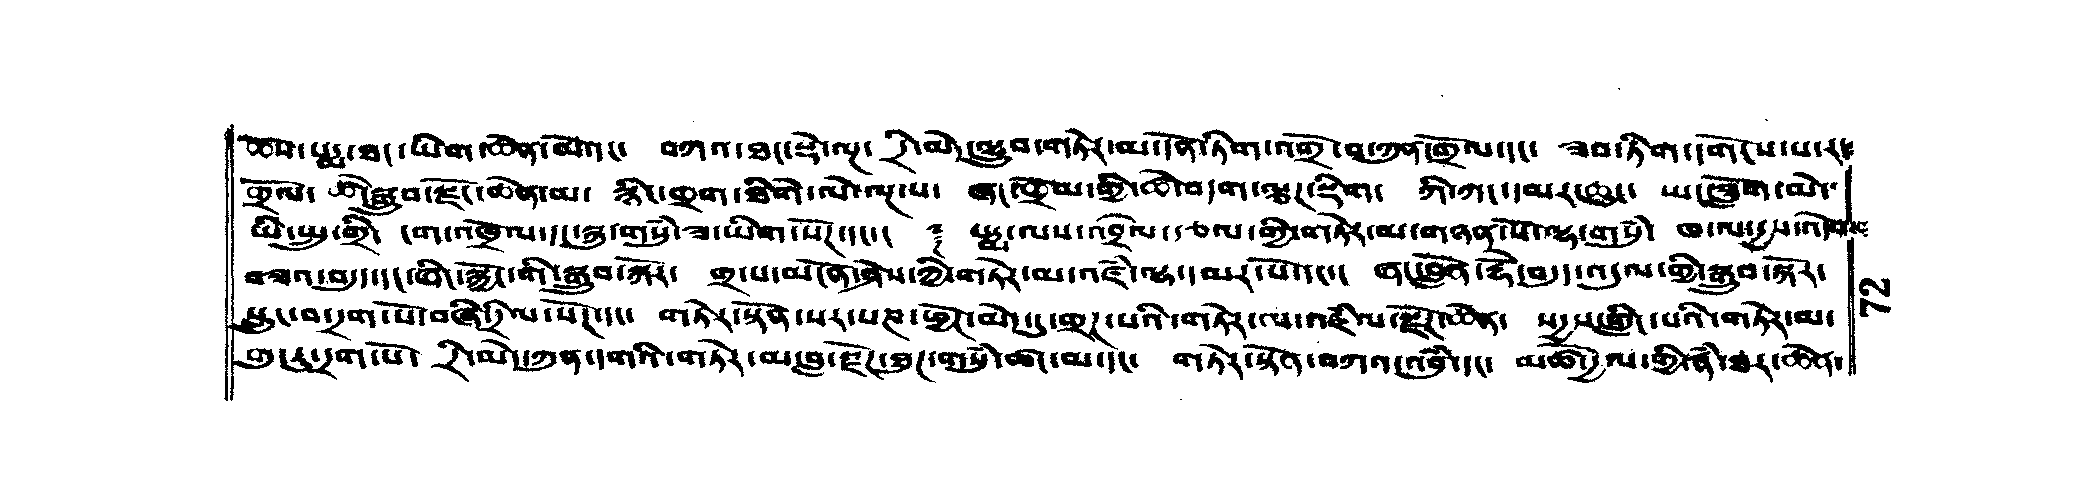ཆོས་པདྨ་ཐང་ཡིག་ཆེན་མོ་དང་། བཀའ་ཐང་སྡེ་ལྔ། དྲི་མེད་ལྷུན་པོའི་གཏེར་མ་དོན་ཏིག་འགྲོ་བ་ཀུན་གྲོལ་དང་། ཟབ་ཏིག་དགོངས་པ་རང་
གྲོལ། ཚེ་སྒྲུབ་རྫོགས་ཆེན་མ། སྙིང་ཁྲག་ཐིག་ལེ་ལེའུ་ལྔ་པ། ཞང་ཁྲོམ་གྱི་ཚེ་བདག་ལྕགས་སྡིག ཀིང་ཀང་དམར་ཆུང་། ཡང་ཟློག་མེ་
ཡི་སྤུ་གྲི། ངག་འཁྲོལ་དང་སྐུ་གསུམ་ཟ་ཡིག་སོགས་དང་། ༈ པདྨ་ལས་འབྲེལ་རྩལ་གྱི་གཏེར་མ་གཉན་པོ་ལྷ་གསུམ། ཁ་ལ་རྒྱས་འདེབས། 
བཟའ་བདུད་དང་ཞིང་སྐྱོང་གི་སྒྲུབ་སྐོར། གྲྭ་པ་མངོན་ཤེས་ཀྱི་གཏེར་མ་འཛམ་ལྷ་དམར་པོ་དང་། ཞང་བློན་རྡོ་རྗེ་བདུད་འདུལ་གྱི་སྒྲུབ་སྐོར་
སྲུང་བ་དྲག་པོ་བཞི་དྲིལ་སོགས་དང་། གཏེར་སྟོན་སར་པཎ་ཕྱོགས་མེད་དུ་གྲགས་པའི་གཏེར་མ་འཇམ་དཔལ་རྫོགས་ཆེན། སངས་རྒྱས་གླིང་པའི་གཏེར་མ་
གུ་རུ་དྲག་པོ། དྲི་མེད་ཀུན་དགའི་གཏེར་མ་བླ་རྫོགས་ཐུགས་གསུམ་ཚང་མ་དང་།གཏེར་སྟོན་བཀའ་འབུམ་དང་། མཚོ་རྒྱལ་གྱི་རྣམ་ཐར་ཆེན་